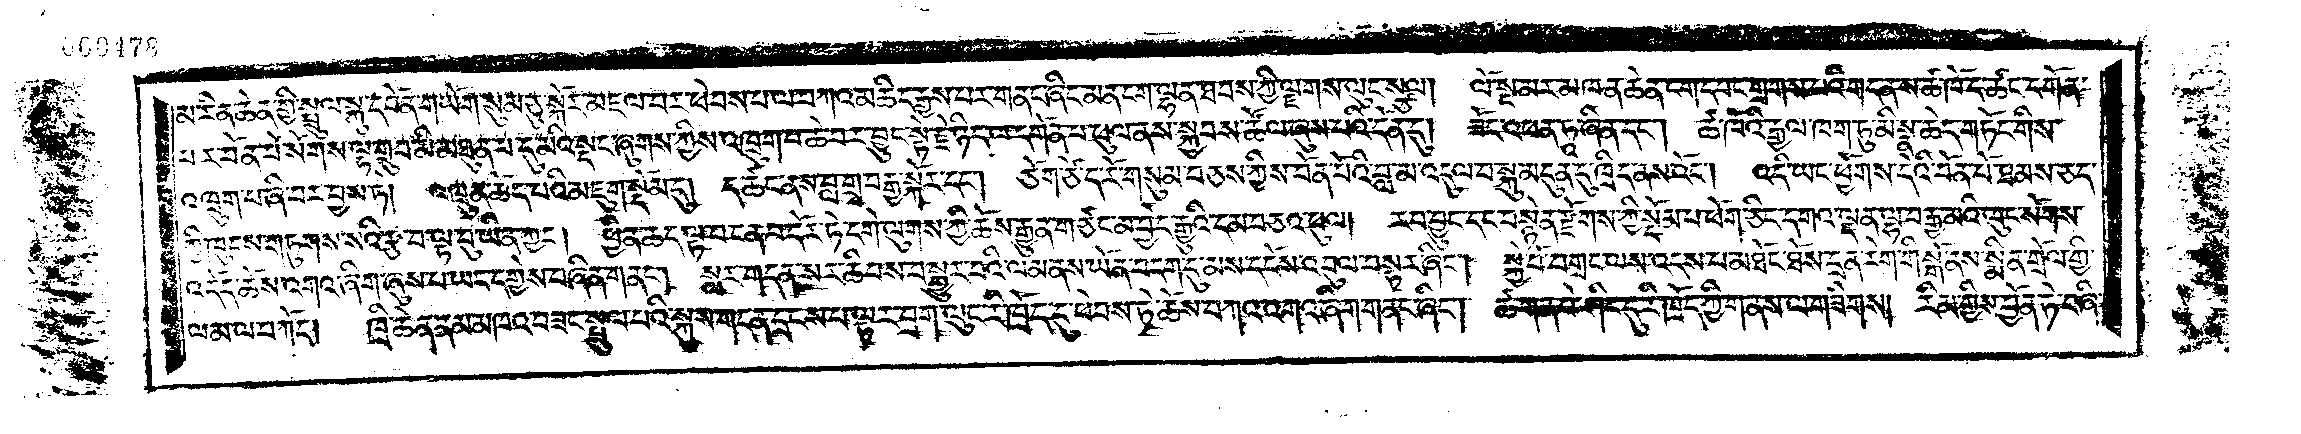མ་རིན་ཆེན་གྱི་སྤྲུལ་སྐུ་དཔོན་གཡོག་སུམ་ཅུ་སྐོར་མཇལ་བར་ཕེབས་པ་ལ་བཀའ་མཆིད་རྒྱས་པར་གནང་ཞིང་མན་ངག་ལྷན་ཐབས་ཀྱི་ལྗགས་ལུང་སྩལ། ལོ་སྔ་མར་མཁན་ཆེན་ངག་དབང་གྲགས་པའི་གདན་ས་ཚ་ཁོ་ད་ཚང་དགོན་
པར་བོན་པོ་སོགས་ལྟ་གྲུབ་མི་མཐུན་པ་དུ་མའི་སྡང་ཞུགས་ཀྱིས་འཁྲུག་པ་ཆེ་བར་བྱུང་སྟེ་རྗེ་ཉིད་ལ་དགོན་པ་ཕུལ་ནས་སྐྱབས་ཚོལ་ཞུས་པའི་དོན་དུ། ཟོང་འཕན་ཏཱ་ཞིན་དང་། ཚ་ཁོའི་རྒྱལ་ཁག་ཏུ་མི་སྣ་ཆེད་གཏོང་གིས་
འཁྲུག་པ་ཞི་བར་བྱས་ཏེ། འཁྲུན་ཆོད་པའི་མཇུག་སྡོམ་དུ། ད་ཚང་ནས་བླ་གྲྭ་བརྒྱ་སྐོར་དང་། ཅོག་ཙེ་ད་རོ་གསུམ་བཅས་ཀྱིས་བོན་པོའི་བླ་མ་འདུལ་བ་སྐུ་མདུན་དུ་ཁྲིད་ནས་འོང་། འདི་ཡང་ཕྱོགས་དེའི་བོན་པོ་ཐམས་ཅད་
ཀྱི་ཁུངས་གཏུགས་སའི་རྩ་བ་ལྟ་བུ་ཡིན་ཀྱང་། ཕྱིན་ཆད་ལྟ་བ་ངན་པ་དོར་ཏེ་དགེ་ལུགས་ཀྱི་ཆོས་རྒྱུན་གཙང་མ་བྱེད་རྒྱུའི་དམ་བཅའ་ཕུལ། རབ་བྱུང་དང་བསྙེན་རྫོགས་ཀྱི་སྔོམ་པ་ཕོག་ཅིང་དགའ་ལྡན་ལྷ་བརྒྱ་མའི་ལུང་སོགས་
འདོད་ཆོས་འགའ་ཞིག་ཞུས་པ་ཡང་དགྱེས་བཞིན་གནང་། སླར་གདན་སར་ཆིབས་བསྒྱུར་བའི་ལམ་ནས་ཡོན་བདག་དུ་མས་དངོས་འབུལ་བསྟར་ཞིང་། སྐྱེ་པོ་བགྲང་ལས་འདས་པ་མཐོང་ཐོས་དྲན་རེག་གི་སྒོ་ནས་སྨིན་གྲོལ་གྱི་
ལམ་ལ་བཀོད། ཁྲི་ཆེན་ནམ་མཁའ་བཟང་སྤྲུལ་པའི་སྐུས་གདན་དྲངས་པ་ལྟར་བྲག་ལུང་རི་ཁྲོད་དུ་ཕེབས་ཏེ་ཆོས་བཀའ་འགའ་ཞིག་གནང་ཞིང་། ཚ་གན་བེ་ཤིང་དུ་རི་ཁྲོད་ཀྱི་གནས་ལ་གཟིགས། རིམ་གྱིས་བྱོན་ཏེ་བཞི་